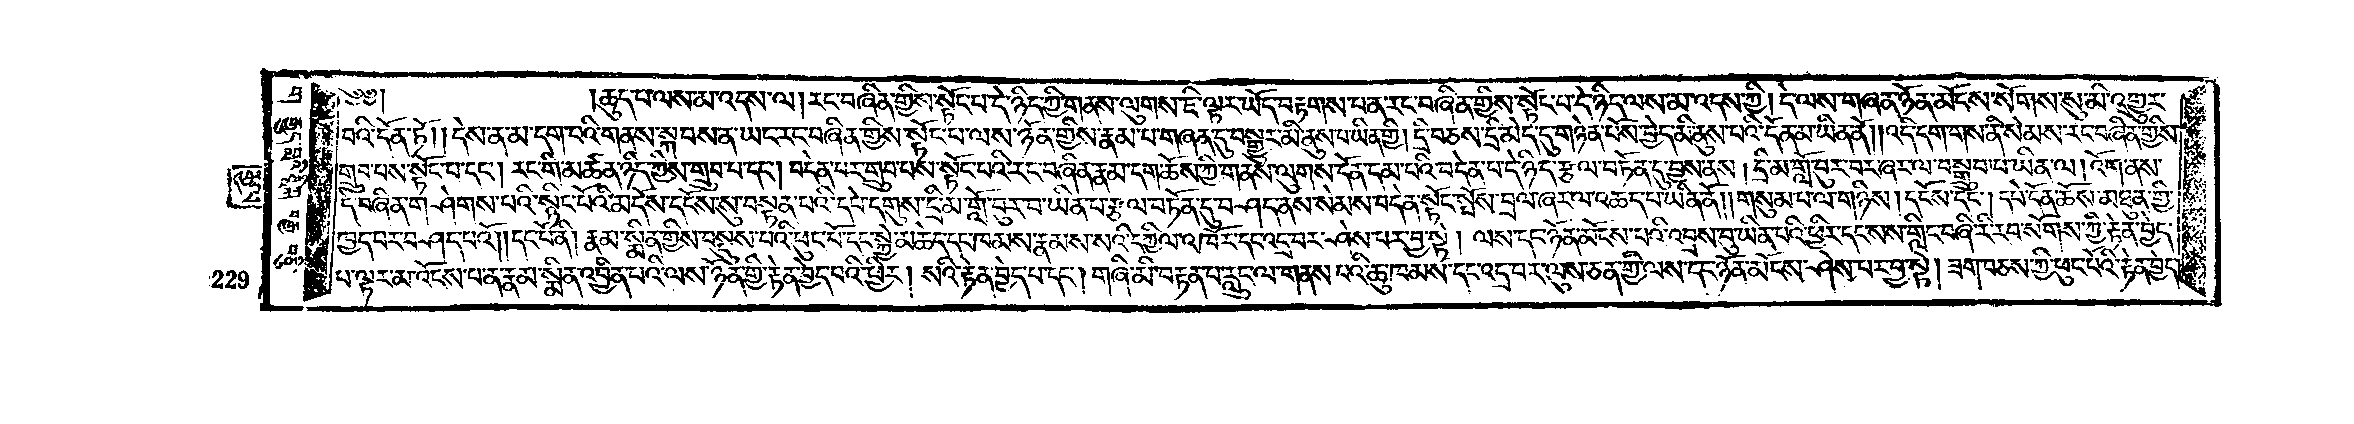༄༅། །ཆུད་པ་ལས་མ་འདས་ལ། རང་བཞིན་གྱིས་སྟོང་པ་དེ་ཉིད་ཀྱི་གནས་ལུགས་ཇི་ལྟར་ཡོད་བརྟགས་པ་ན་རང་བཞིན་གྱིས་སྟོང་པ་དེ་ཉིད་ལས་མ་འདས་ཀྱི། དེ་ལས་གཞན་ཉོན་མོངས་སོགས་སུ་མི་འགྱུར་
བའི་དོན་ཏོ། །དེས་ན་མ་དག་པའི་གནས་སྐབས་ན་ཡང་རང་བཞིན་གྱིས་སྟོང་པ་ལས་ཉོན་གྱིས་རྣམ་པ་གཞན་དུ་བསྒྱུར་མི་ནུས་པ་ཡིན་གྱི་།དྲི་བཅས་དྲི་མེད་དུ་གཉེན་པོས་བྱེད་མི་ནུས་པའི་དོན་མ་ཡིན་ནོ། །འདི་དག་གས་ནི་སེམས་རང་བཞིན་གྱིས་
གྲུབ་པས་སྟོང་པ་དང་། རང་གི་མཚན་ཉིད་ཀྱིས་གྲུབ་པ་དང་། བདེན་པར་གྲུབ་པས་སྟོང་པའི་རང་བཞིན་རྣམ་དག་ཆོས་ཀྱི་གནས་ལུགས་དོན་དམ་པའི་བདེན་པ་དེ་ཉིད་རྩལ་བཏོན་དུ་བྱས་ནས། དྲི་མ་གློ་བུར་བར་ཞར་ལ་བསྒྲུབ་པ་ཡིན་ལ། འོག་ནས་
དེ་བཞིན་གཤེགས་པའི་སྙིང་པོའི་མདོས་དངོས་སུ་བསྟན་པའི་དཔེ་དགུས་དྲི་མ་གློ་བུར་བ་ཡིན་པ་རྩལ་བཏོན་དུ་བཤད་ནས་སེམས་བདེན་སྟོང་སྤོས་བྲལ་ཞར་ལ་འཆད་པ་ཡིན་ནོ། །གསུམ་པ་ལ་གཉིས། དངོས་དང་། དཔེ་དོན་ཆོས་མཐུན་གྱི་
ཁྱད་པར་བཤད་པའོ། །དང་པོ་ནི། རྣམ་སྨིན་གྱིས་བསྡུས་པའི་ཕུང་པོ་དང་སྐྱེ་མཆེད་དང་ཁམས་རྣམས་སའི་དཀྱིལ་འཁོར་དང་འདྲ་བར་ཤེས་པར་བྱ་སྟེ། ལས་དང་ཉོན་མོངས་པའི་འབྲས་བུ་ཡིན་པའི་ཕྱིར་དང་སས་གླིང་བཞི་རི་རབ་སོགས་ཀྱི་རྟེན་བྱེད་
པ་ལྟར་མ་འོངས་པ་ན་རྣམ་སྨིན་འབྱིན་པའི་ལས་ཉོན་གྱི་རྟེན་བྱེད་པའི་ཕྱིར། སའི་རྟེན་བྱེད་པ་དང་། གཞི་མི་བརྟན་པ་རླུང་ལ་གནས་པའི་ཆུ་ཁམས་དང་འདྲ་བར་ལུས་ཅན་གྱི་ལས་དང་ཉོན་མོངས་ཤེས་པར་བྱ་སྟེ། ཟག་བཅས་ཀྱི་ཕུང་པོའི་རྟེན་བྱེད་